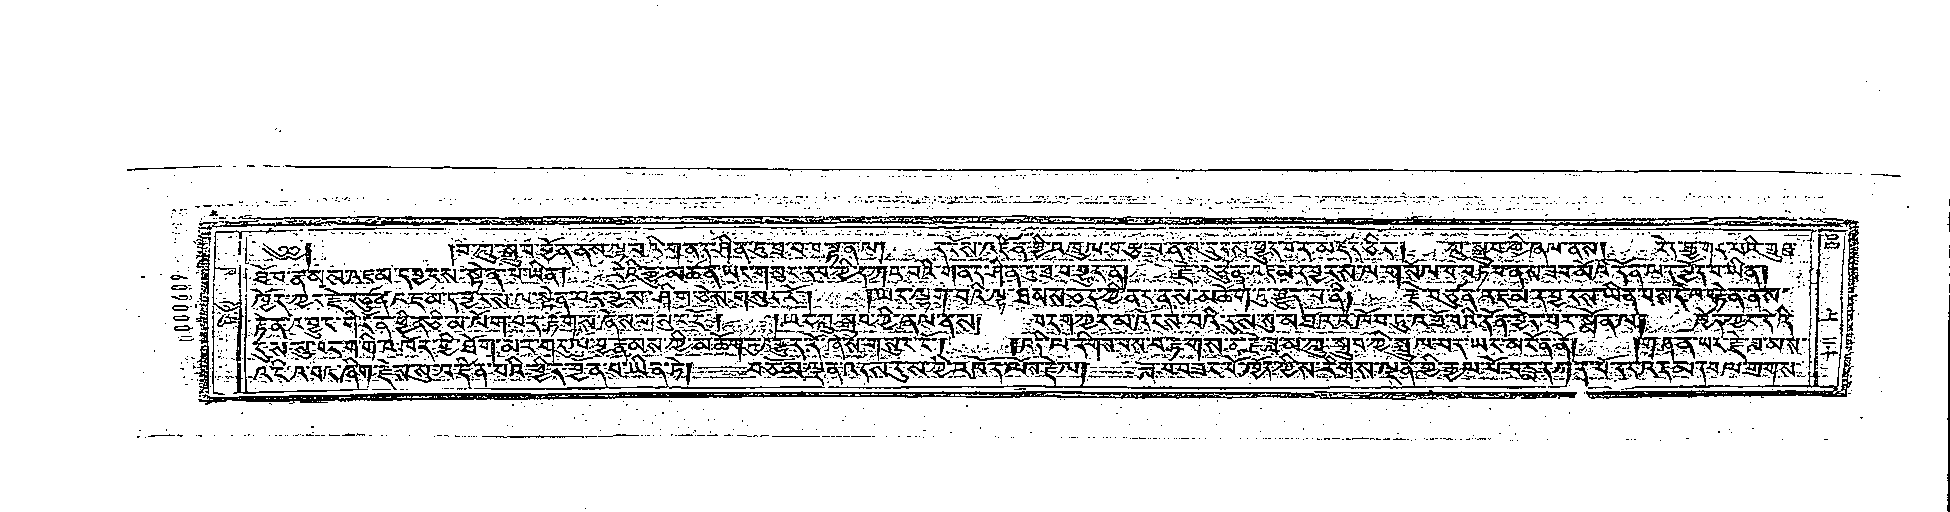༄༅། །པ་ཀླུ་སྒྲུབ་བྱོན་ནས་ལྟ་བའི་གནད་ཤིན་ཏུ་ཕྲ་བ་བསྟན་ལ། དངོས་འཛིན་གྱི་འཁྲུལ་བ་རྩ་བ་ནས་དྲུངས་ཕྱུང་བར་མཛད་ཅིང་། ཀླུ་སྒྲུབ་ཀྱི་ཞལ་ནས། དེར་རྒྱ་གར་པའི་གྲུབ་
ཐོབ་རྣམས་འཇམ་དབྱངས་སྟེན་པ་ཡིན། དེའི་རྒྱུ་མཚན་ཡང་གསུང་རབ་ཀྱི་དཀའ་བའི་གནད་ཤིན་ཏུ་ཕྲ་བ་བྱུང་ན། རྗེ་བཙུན་འཇམ་དབྱངས་ལ་གསོལ་བ་བཏབ་ནས་ཟབ་མོའི་དོན་ལ་དབྱོད་བ་ཡིན།
ཁྱོད་ཀྱང་རྗེ་བཙུན་འཇམ་དབྱངས་ལ་སྟེན་པར་བྱོས་ཤིག་ཅེས་གསུང་ངོ། །ཡང་ལྷག་བའི་ལྷ་ཐམས་ཅད་ཀྱི་ནང་ནས་མཆོག་ཏུ་གྱུར་བ་ནི། རྗེ་བཙུན་འཇམ་དབྱངས་ཡིན་པས་དེ་ལ་བརྟེན་ནས་
རྟེན་འབྱུང་གི་དོན་ཕྱིན་ཅི་མ་ལོག་པར་རྟོགས་ཞེས་གསུང་ངོ། །ཡང་ཀླུ་སྒྲུབ་ཀྱི་ཞལ་ནས། བདག་ཀྱང་མ་འོངས་པའི་དུས་སུ་མཐའ་འཁོབ་ཏུ་འགྲོ་བའི་དོན་བྱེད་པར་སྨོན་ལ། ཁྱོད་ཀྱང་དེའི་
དུས་སུ་བདག་གི་འཁོར་གྱི་ཐོག་མར་གདུལ་བྱ་རྣམས་ཀྱི་མཆོག་ཏུ་འགྱུར་རོ་ཞེས་གསུང་ངོ། །འདི་ལ་རིགས་པས་བརྟགས་ན་རྗེ་བླ་མ་ཀླུ་སྒྲུབ་ཀྱི་སྤྲུལ་པར་ཡང་མངོན་ནོ། །གཞན་ཡང་རྗེ་བླ་མས་
འདི་འབའ་ཞིག་རྗེས་སུ་འཛིན་པའི་ཕྱིར་བྱོན་པ་ཡིན་ཏེ། བཅོམ་ལྡན་འདས་དུས་ཀྱི་འཁོར་ལོས་རྗེ་ལ། ཟླ་བ་བཟང་པོ་ཁྱོད་ཀྱིས་རིགས་ལྡན་གྱི་རྒྱལ་པོ་པདམ་དཀར་པོ་དང་འཇམ་དཔལ་གྲགས་